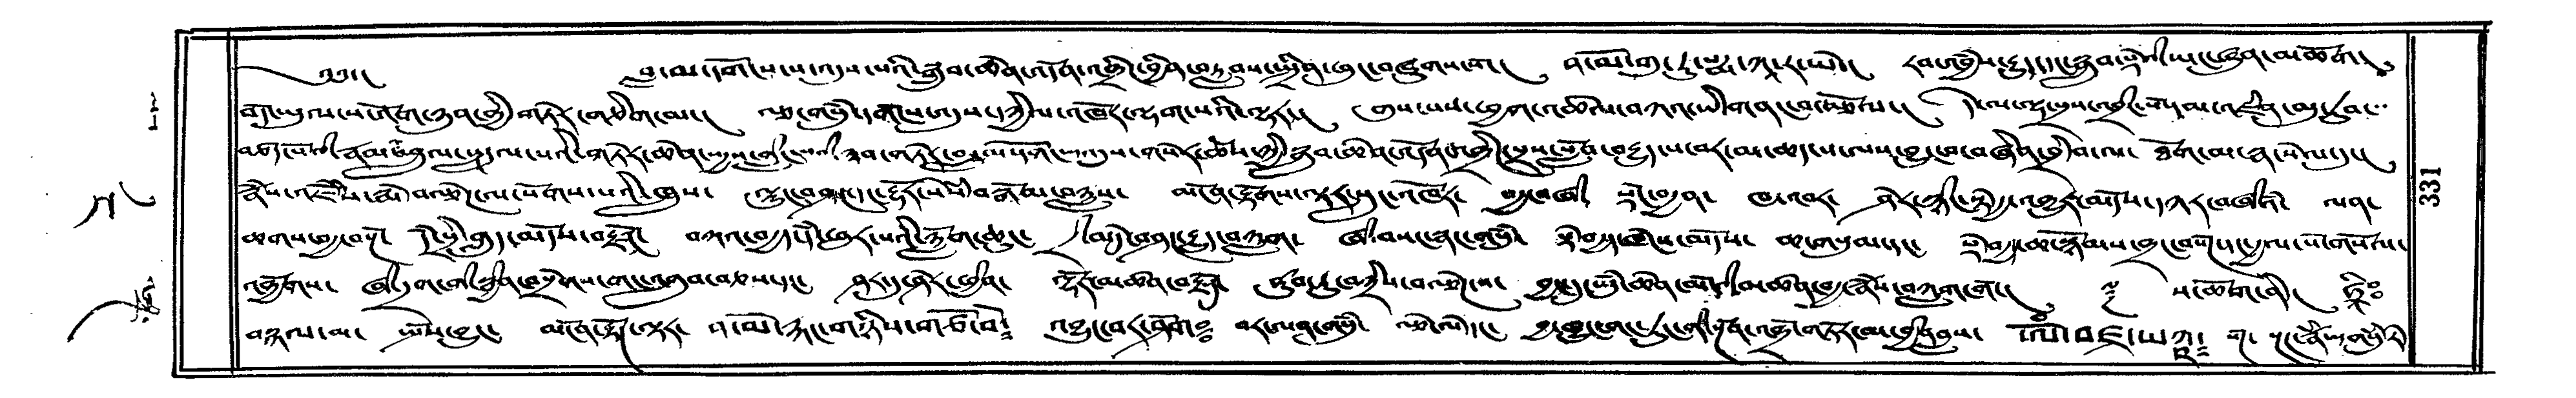༄༅། བླ་མ་དགོངས་པ་འདུས་པའི་སྒྲུབ་ཆེན་འདོན་འགྲིགས་བྱིན་རླབས་སྤྲིན་ཕུང་བཞུགས་སོ། །ན་མོ་གུ་རུ་པདྨ་ཀཱ་ར་ཡེ། རབ་འབྱམས་རྒྱུད་དང་སྒྲུབ་སྡཻའི་ཡང་ཞུན་མཆོག །
བོད་ཡུལ་ས་འོག་ཀུན་གྱི་གཏེར་གཅིག་མ། །རྩ་གསུམ་དགོངས་འདུས་དཀྱིལ་འཁོར་ལྷག་པའི་ལྷར། །གུས་པས་ཕྱག་འཚལ་བཀའ་ཡི་གནང་བ་སྩོལ། དེ་ལ་ལྷ་སྲས་འབྲིང་པོ་དམ་འཛིན་མུ་རུབ་
བཙད་པོའི་རྣམ་འཕྲུལ་སྤྲུལ་པའི་གཏེར་ཆེན་སངས་རྒྱས་གླིང་པའི་ཟབ་གཏེར་བླ་མ་དགོངས་འདུས་གསེར་ཆོས་ཀྱི་སྒྲུབ་ཆེན་འདོན་འགྲིགས་སྲས་སློབ་བརྒྱུད་པ་བར་མ་ཆད་པ་ལས་བྱུང་བ་བཞིན་འབྲི་བ་ལ། ཐོག་མར་སྣ་སེལ་དུ་
རྣམ་འཇོམས་སྨེ་བརྩེགས་ལ་སོགས་པའི་ཁྲུས། ལྟུང་བཤགས་དང་རྡོར་སེམས་བསྒོམ་བཟླས། མངོན་རྟོགས་ལྟར་སྲུང་འཁོར། བརྒྱ་བཞི། སྡོང་བརྒྱན། ཁ་འབར། ཤེར་སྙིང་སྟེ་བརྒྱ་འགྱུར་མདོས་དཀར་བཞིའམ། ལན་
ཆགས་བརྒྱ་བསྔོ། དམ་སྲི་གླུད་མདོས་རྫོངས། བཀའ་བརྒྱད་དམ་ཕུར་པའི་ཟློག་ཆུང་། དྲི་མེད་བཤགས་རྒྱུད་ཀློགས། ཞི་བསང་སྣང་གསུམ། སྡེ་བརྒྱད་ཁེངས་མདོས། ཆ་གསུམ་དང་སྡེ་བརྒྱད་ཆ་སྙོམས་གྲང་གསོག་དང་རྒྱལ་པོ་གསོལ་
འགྱོགས། ཞི་དྲག་གི་སྦྱིན་སྲེག་གང་འགྲུབ་བཅས་དང་། ཤར་དུ་ཤེར་ཕྱིན། ལྷོར་མཚན་བརྗོད། ནུབ་ཏུ་བཀྲ་ཤིས་བརྩེགས་པ། བྱང་དུ་ཡུམ་ཆེན་མོའི་མཚན་བརྒྱ་རྣམས་བཀླག་གོ ༈ ས་ཆོག་ནི། ཧྲཱིཿ 
བསྐལ་མ༴ སྤོས་ཕྱུང་། མངོན་རྟོགས་ལྟར། ན་མོ། རྐང་གཉིས་གཙོ་བོ༴ འབྱུང་བར་ཤོག༴ བར་ལན་གསུམ། རྩེ་ལེ་དང་། བྱ་ཁྱུང་གང་རུང་གི་སྔོན་འགྲོ་གཏོར་མ་བྱིན་རླབས། ཨོཾ་བཛྲ་ཡཀྵ༴ སོགས། སྔགས་རྣམས་གསུམ་རེ།